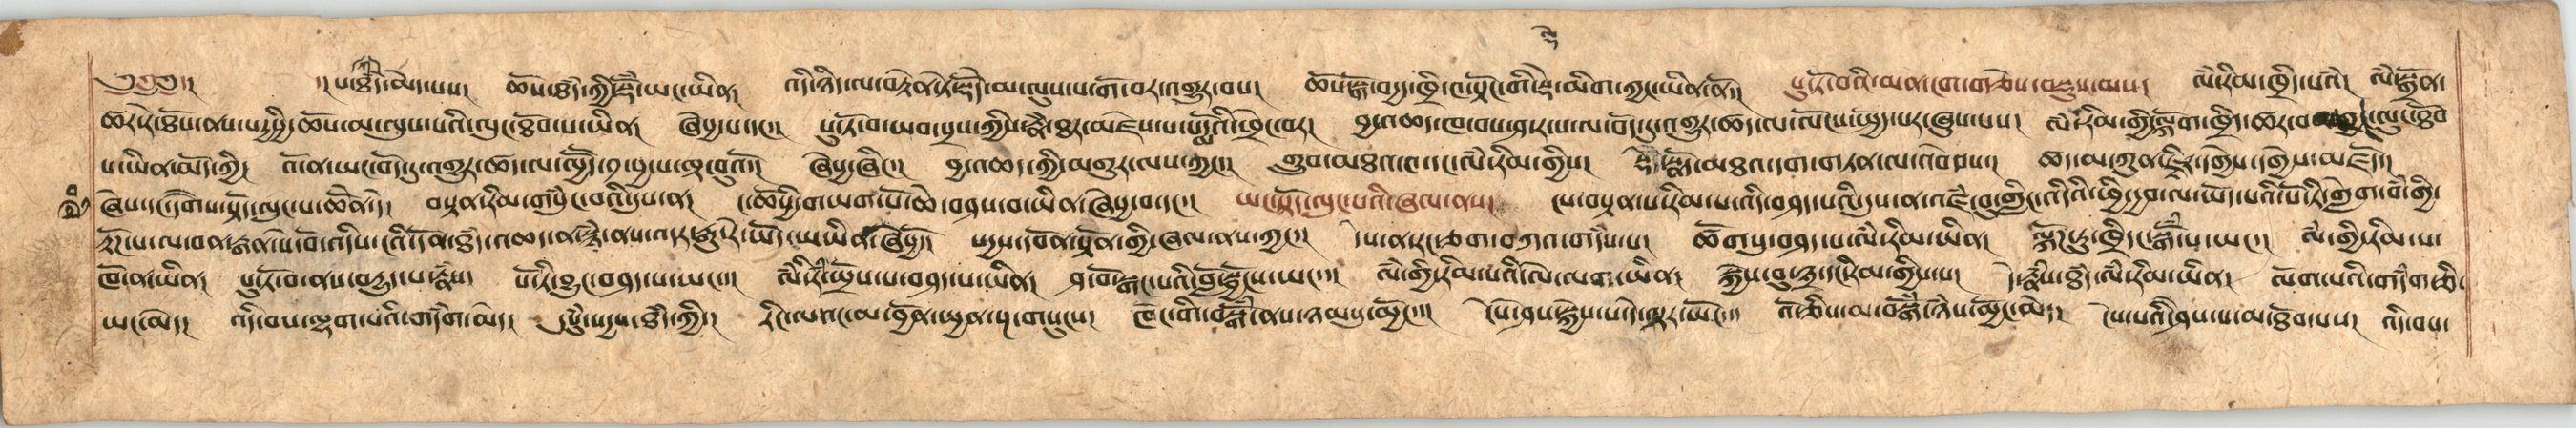་།པ་ཐཾད་མེད་པས། ཆོས་ཐཾད་ཀྱི་སྡོཾ་ཡང་ཡིན། འདི་ཉིད་ལ་བརྟེན་ཏེ་སྡེོད་མ་ལུས་པ་གོ་བར་འགྱུར་བས། ཆོས་སྒོ་བདྱད་ཁྲི་༤་སྟོང་གི་སྡེ་མིག་ཀྱང་ཡིན་ནོ་། པུ་ཏོ་བའི་མན་ངག་གཅེས་བསྡུས་ལས། ལཾ་རིམ་ཁྲིད་པའཾ། ལཾ་སྒྲོན་
ཚར་རེ་ཐོས་ནས་སདྱསྱི་ཆོས་མ་ལུས་པའི་ལུང་ཐོབ་པ་ཡིན། ཞེཔྱ་པ་དང་། པུ་ཏོ་བ་ཡབ་སྲས་ཀྱིས་རྣཾ་ཐར་མཛེས་པ་པདྨོའི་ཕྲེང་བར། བྱ་འཆད་ཁ་བས་ཤ་ར་པ་ལ་བོད་དུ་འགྱུར་ཚད་ལ་་ལོངས་སྤྱོད་པར་ཞུས་པས། ལཾ་རིམ་གྱི་ལྐོག་ཁྲིད་ཚར་བས་ཀྱང་ལུང་ཐོེབ་
པ་ཡིན་མོད་ཀྱི། འོ་ན་ཡང་བོད་དུ་འགྱུར་ཚད་ལ་ལྱཽད་༡་བྱ་པ་ལྟ་བུའོ། ཞེསྱ་ཞིང་། བྱ་འཆད་ཀྱི་མགུར་ལས་ཀྱང་། གྲུབ་མཐའ་༤་དང་ལཾ་རིམ་གྱིས། སྡེ་སྣོད་མཐའ་དག་གཏན་ལ་འབེབས་། ཚད་མ་ཀུན་ཇྟིར་དགྱེས་དགྱེས་མཛོད་།
ཞེས་དང་དགཻས་སྟོད་ལུང་པ་ཆེནོ་དེ། བསྟན་རིམ་གསུཾ་བའི་དུས་ན། ང་ཆོསྱི་གཡག་པོ་ཆེ་བཤས་བ་ཡིན་ཞེསྱ་བ་དང་། །ཡང་སྟོད་ལུང་པའི་ཞལ་ནས། ངས་བསྟན་པའི་རིམ་པ་འདི་བཤད་པའི་དུས་ན་འཛཾ་བུ་གླིང་འདིའི་ཕྱི་དྱབ་ལ་ཡོད་པའི་པོ་ཏི་དང་གླེག་བཾ་གྱི་
རྟོཌ་པ་ལ་བན་རྒན་སེ་བོ་འདིས་ངའི་དོན་ཐཾད་འཆད་ན་སྙཾ་ནས་འདར་རྒུ་རེ་ཡོད་ཡཡིན་ཞེསྱོ་། སདྱས་དབོན་སྟོན་གྱི་ཞལ་ནས་ཀྱང་། དེས་ན་རང་ཅག་བཀའ་གདཾས་པ། ཚོགསུ་བཤད་པ་ལཾ་རིམ་ཡིན། ལྐོཌ་ཏུ་ཁྲིད་དང་སྒོཾ་པ་ཡང་། ལཾ་གྱི་རིམ་པ་
ཁོ་ན་ཡིན། པུ་ཏོ་བ་ནས་བདྱུད་པ་རྣཾས་ པོ་ཏི་བྱུང་བཤདཔ་ཡང་། ལཾ་རིམ་སྤྲོས་པ་བཤད་པ་ཡིན། ཤ་བོ་སྒང་པའི་བློ་སྦྱོངས་ཡང་། ལཾ་གྱི་རིམ་པའི་ལེ་ལག་ཡིན། སྐྱེས་བུ་༣་དང་རིམ་གྱིས་པ། དེ་རྣཾས་ཐཾད་་ལཾ་རིམ་ཡིན། ལོག་པའི་གདཾག་ཅི་
ཡང་མེད། འདི་བས་ལྷག་པའི་གདཾག་མེད། དུསུཾ་སདྱས་ཐཾད་ཀྱི་། རིང་ལའང་མ་བྱོན་སྤྱན་སྔ་གསུངས། ཁོང་གི་བསྒོཾ་ནས་ཉམསུ་མྱོང་་། ངེས་ཤེས་སྐྱེས་པ་དེ་ལྟར་ཡོང་་། འོ་ཅིས་མ་བསྒོཾ་ཉཾས་མྱོང་མེད། ངེས་པའི་ཤེས་པ་མ་ཐོབ་པས། འདི་བས་